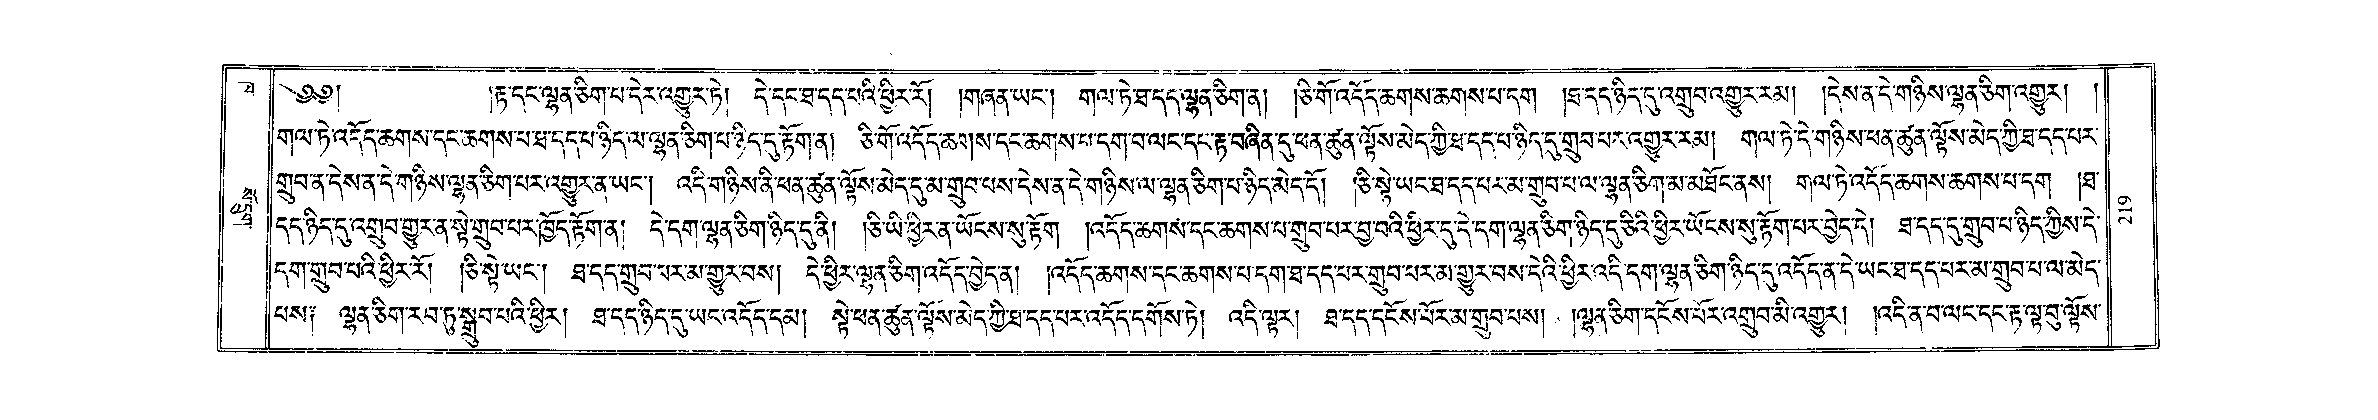༄༅། །རྟ་དང་ལྷན་ཅིག་པ་དེར་འགྱུར་ཏེ། དེ་དང་ཐ་དད་པའི་ཕྱིར་རོ། །གཞན་ཡང་། གལ་ཏེ་ཐ་དད་ལྷན་ཅིག་ན། །ཅི་གོ་འདོད་ཆགས་ཆགས་པ་དག །ཐ་དད་ཉིད་དུ་འགྲུབ་འགྱུར་རམ། །དེས་ན་དེ་གཉིས་ལྷན་ཅིག་འགྱུར། །
གལ་ཏེ་འདོད་ཆགས་དང་ཆགས་པ་ཐ་དད་པ་ཉིད་ལ་ལྷན་ཅིག་པ་ཉིད་དུ་རྟོག་ན། ཅི་གོ་འདོད་ཆགས་དང་ཆགས་པ་དག་བ་ལང་དང་རྟ་བཞིན་དུ་ཕན་ཚུན་ལྟོས་མེད་ཀྱི་ཐ་དད་པ་ཉིད་དུ་གྲུབ་པར་འགྱུར་རམ། གལ་ཏེ་དེ་གཉིས་ཕན་ཚུན་ལྟོས་མེད་ཀྱི་ཐ་དད་པར་
གྲུབ་ན་དེས་ན་དེ་གཉིས་ལྷན་ཅིག་པར་འགྱུར་ན་ཡང་། འདི་གཉིས་ནི་ཕན་ཚུན་ལྟོས་མེད་དུ་མ་གྲུབ་པས་དེས་ན་དེ་གཉིས་ལ་ལྷན་ཅིག་པ་ཉིད་མེད་དོ། །ཅི་སྟེ་ཡང་ཐ་དད་པར་མ་གྲུབ་པ་ལ་ལྷན་ཅིག་མ་མཐོང་ནས། གལ་ཏེ་འདོད་ཆགས་ཆགས་པ་དག །ཐ་
དད་ཉིད་དུ་འགྲུབ་གྱུར་ན་སྟེ་གྲུབ་པར་ཁྱོད་རྟོག་ན། དེ་དག་ལྷན་ཅིག་ཉིད་དུ་ནི། །ཅི་ཡི་ཕྱིར་ན་ཡོངས་སུ་རྟོག །འདོད་ཆགས་དང་ཆགས་པ་གྲུབ་པར་བྱ་བའི་ཕྱིར་དུ་དེ་དག་ལྷན་ཅིག་ཉིད་དུ་ཅིའི་ཕྱིར་ཡོངས་སུ་རྟོག་པར་བྱེད་དེ། ཐ་དད་དུ་གྲུབ་པ་ཉིད་ཀྱིས་དེ་
དག་གྲུབ་པའི་ཕྱིར་རོ། །ཅི་སྟེ་ཡང་། ཐ་དད་གྲུབ་པར་མ་གྱུར་བས། དེ་ཕྱིར་ལྷན་ཅིག་འདོད་བྱེད་ན། །འདོད་ཆགས་དང་ཆགས་པ་དག་ཐ་དད་པར་གྲུབ་པར་མ་གྱུར་བས་དེའི་ཕྱིར་འདི་དག་ལྷན་ཅིག་ཉིད་དུ་འདོད་ན་དེ་ཡང་ཐ་དད་པར་མ་གྲུབ་པ་ལ་མེད་
པས༑ ལྷན་ཅིག་རབ་ཏུ་སྒྲུབ་པའི་ཕྱིར། ཐ་དད་ཉིད་དུ་ཡང་འདོད་དམ། སྟེ་ཕན་ཚུན་ལྟོས་མེད་ཀྱི་ཐ་དད་པར་འདོད་དགོས་ཏེ། འདི་ལྟར། ཐ་དད་དངོས་པོར་མ་གྲུབ་པས། །ལྷན་ཅིག་དངོས་པོར་འགྲུབ་མི་འགྱུར། །འདི་ན་བ་ལང་དང་རྟ་ལྟ་བུ་ལྟོས་